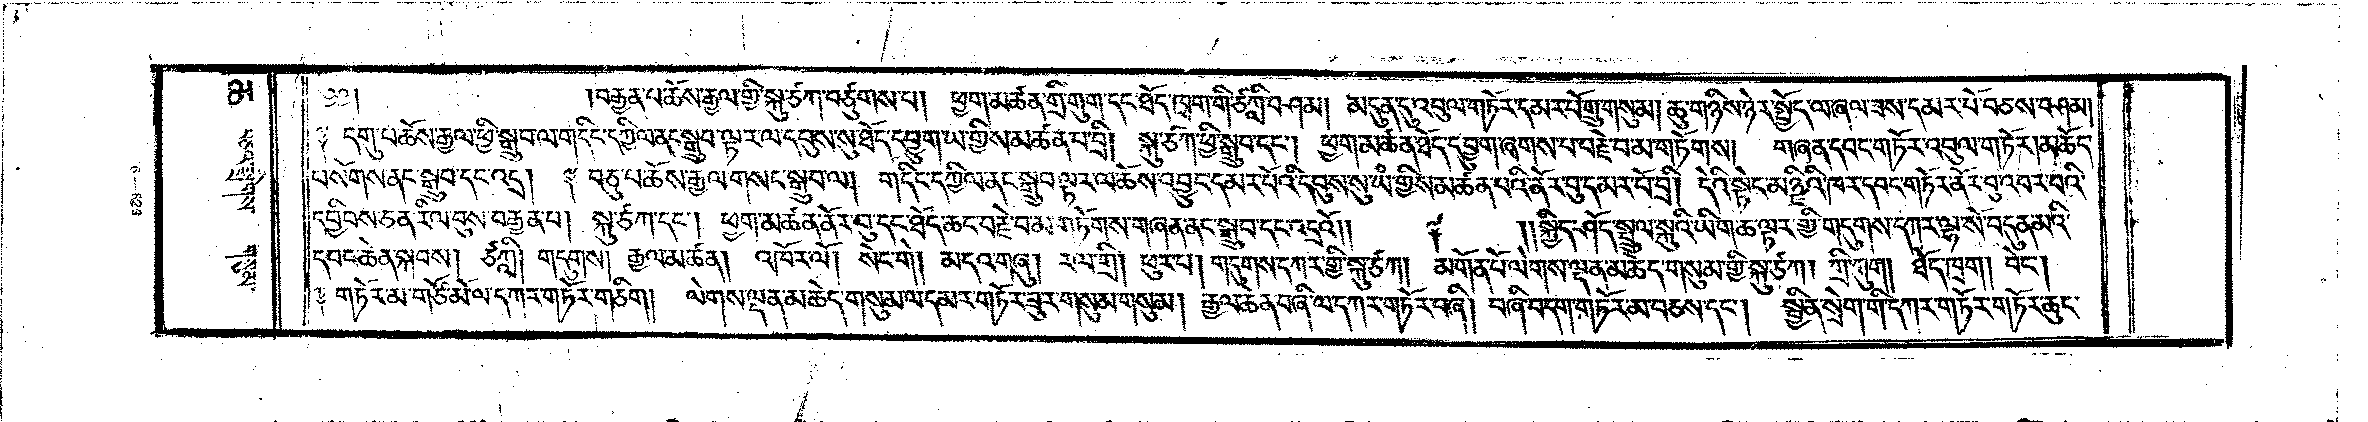༄༅། །བརྒྱན་པ་ཆོས་རྒྱལ་གྱི་སྐུ་ཙཀ་བཙུགས་པ། ཕྱག་མཚན་གྲི་གུག་དང་ཐོད་ཁྲག་གི་ཙཀྲི་བཤམ། མདུན་དུ་འབུལ་གཏོར་དམར་པོ་གྲུ་གསུམ། ཆུ་གཉིས་ཉེར་སྤྱོད་ལ་ཞལ་ཟས་དམར་པོ་བཅས་བཤམ།
༈ དགུ་པ་ཆོས་རྒྱལ་ཕྱི་སྒྲུབ་ལ་གདིང་དཀྱིལ་ནང་སྒྲུབ་ལྟར་ལ་དབུས་སུ་ཐོད་དབྱུག་ཡ་གྱིས་མཚན་པ་བྲི། སྐུ་ཙཀ་ཕྱི་སྒྲུབ་དང་། ཕྱག་མཚན་ཐོད་དབྱུག་ཞགས་པ་བརྗེ་བ་མ་གཏོགས། གཞན་དབང་གཏོར་འབུལ་གཏོར། མཆོད་
པ་སོགས་ནང་སྒྲུབ་དང་འདྲ། ༈ བཅུ་པ་ཆོས་རྒྱལ་གསང་སྒྲུབ་ལ། གདིང་དཀྱིལ་ནང་སྒྲུབ་ལྟར་ལ་ཆོས་འབྱུང་དམར་པོའི་དབུས་སུ་ཡཾ་གྱིས་མཚན་པའི་ནོར་བུ་དམར་པོ་བྲི། དེའི་སྟེང་མཉྫིའི་ཁར་དབང་གཏོར་ནོར་བུ་འབར་བའི་
དབྱིབས་ཅན་རིལ་བུས་བརྒྱན་པ། སྐུ་ཙཀ་དང་། ཕྱག་མཚན་ནོར་བུ་དང་ཐོད་ཆད་བརྗེ་བ་མ་གཏོགས་གཞན་ནང་སྒྲུབ་དང་འདྲའོ།། ༈ །།སྐྱིད་ཤོད་སྤྲུལ་སྐུའི་ཡིག་ཆ་ལྟར་གྱི་གདུགས་དཀར་ལྷ་སོ་བདུན་མའི་
དབང་ཆེན་སྐབས། ཙཀླི། གདུགས། རྒྱལ་མཚན། འཁོར་ལོ། སེང་གེ། མདའ་གཞུ། རལ་གྲི། ཕུར་པ། གདུགས་དཀར་གྱི་སྐུ་ཙཀ། མགོན་པོ་ལེགས་ལྡན་མཆེད་གསུམ་གྱི་སྐུ་ཙཀ། གྲི་གུག། ཐོད་ཁྲག། བེང་།
༈ གཏོར་མ་གཙོ་མོ་ལ་དཀར་གཏོར་གཅིག། ལེགས་ལྡན་མཆེད་གསུམ་ལ་དམར་གཏོར་ཟུར་གསུམ་གསུམ། རྒྱལ་ཆེན་བཞི་ལ་དཀར་གཏོར་བཞི། བཞི་བདག་གཏོར་མ་བཅས་དང་། སྦྱིན་སྲེག་གི་དཀར་གཏོར་གཏོར་ཆུང་